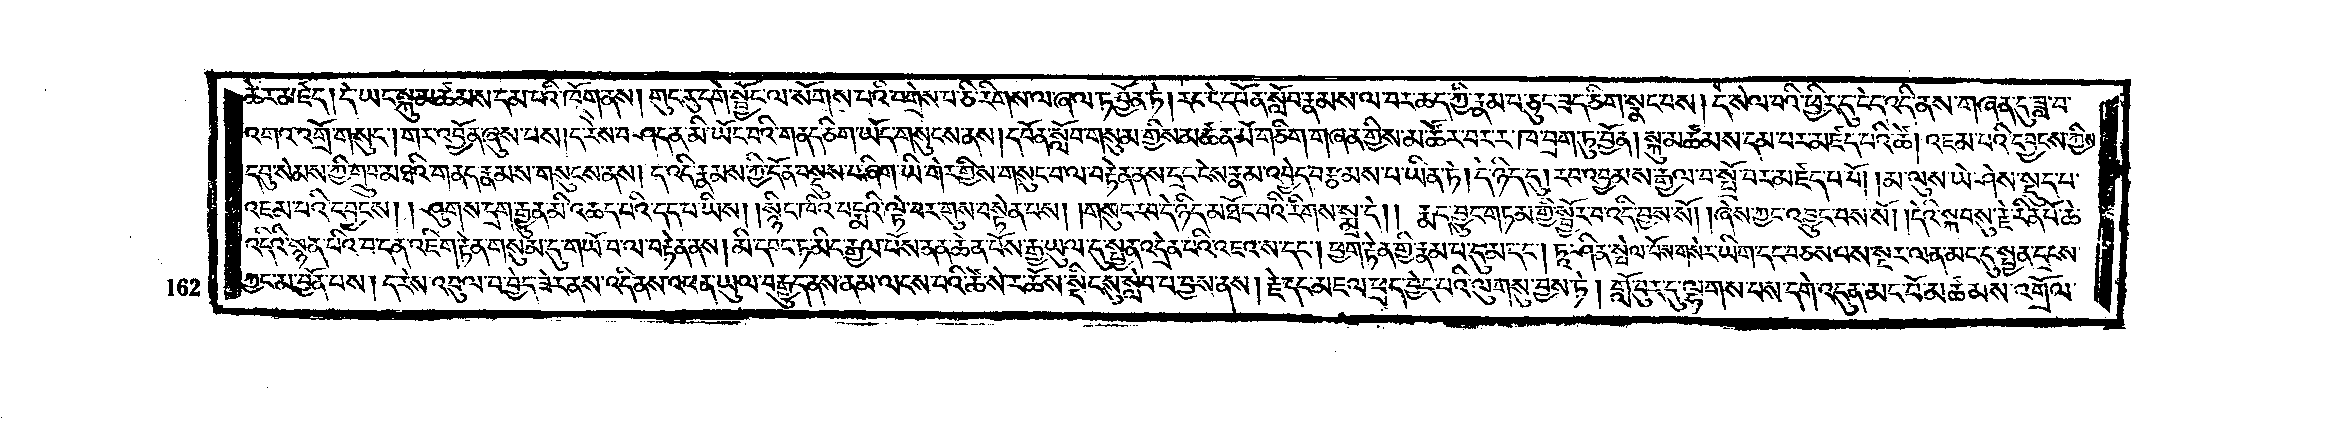ཚེར་མཛད། དེ་ཡང་སྐུ་མཚམས་དམ་པའི་ཁོག་ནས། གུང་རུ་དགེ་སྦྱོང་ལ་སོགས་པའི་བགྲེས་པ་ཅི་རིགས་ལ་ཞལ་ཏ་བྱོན་ཏེ། རང་དེ་དཔོན་སློབ་རྣམས་ལ་བར་ཆད་ཀྱི་རྣམ་པ་ཅུང་ཟད་ཅིག་སྣང་བས། དེ་སེལ་བའི་ཕྱིར་དུ་ངེད་འདི་ནས་གཞན་དུ་ཟླ་བ་
འགའ་འགྲོ་གསུང་། གར་འབྱོན་ཞུས་པས། ད་རེས་བཤད་ན་མི་ཡོང་བའི་གནད་ཅིག་ཡོད་གསུངས་ནས། དཔོན་སློབ་གསུམ་གྱིས་མཚན་མོ་གཅིག་གཞན་གྱིས་མ་ཚོར་བར་ར་ཁ་བྲག་ཏུ་བྱོན། སྐུ་མཚམས་དམ་པར་མཛད་པའི་ཚེ། འཇམ་པའི་དབྱངས་ཀྱིས་
དབུ་སེམས་ཀྱི་གྲུབ་མཐའི་གནད་རྣམས་གསུངས་ནས། ད་འདི་རྣམས་ཀྱི་དོན་བསྡུས་པ་ཞིག་ཡི་གེར་གྱིས་གསུང་བ་ལ་བརྟེན་ནས་དྲང་ངེས་རྣམ་འབྱེད་བརྩམས་པ་ཡིན་ཏེ། དེ་ཉིད་དུ། རབ་འབྱམས་རྒྱལ་བ་སྤྲོ་བར་མཛད་པ་པོ། །མ་ལུས་ཡེ་ཤེས་སྡུད་པ་
འཇམ་པའི་དབྱངས། །ཤུགས་དྲག་རྒྱུན་མི་འཆད་པའི་དད་པ་ཡིས། །སྙིང་ཁའི་པདམའི་ལྟེ་བར་གུས་བསྟེན་པས། །གསུང་རབ་དེ་ཉིད་མཐོང་བའི་རིགས་སྨྲ་དེ། །རྨད་བྱུང་གཏམ་གྱི་སྦྱོར་བ་འདི་བྱས་སོ། །ཞེས་ཀྱང་འབྱུང་བས་སོ། །དེའི་སྐབས་སུ་རྗེ་རིན་པོ་ཆེ་
འདིའི་སྙན་པའི་བ་དན་འཇིག་རྟེན་གསུམ་དུ་གཡོ་བ་ལ་བརྟེན་ནས། མི་དབང་ཏ་མིང་རྒྱལ་པོས་ནན་ཆེན་པོས་རྒྱ་ཡུལ་དུ་སྤྱན་འདྲེན་པའི་འཇའ་ས་དང་། ཕྱག་རྟེན་གྱི་རྣམ་པ་དུ་མ་དང་། ཏཱ་ཤིན་སྤེལ་པོས་གསེར་ཡིག་དང་བཅས་པས་སྔར་ལན་མང་དུ་སྤྱན་དྲངས་
ཀྱང་མ་བྱོན་པས། ད་རེས་འབུལ་བ་བྱེད་ཟེར་ནས་འདི་ནས་འཕན་ཡུལ་བརྒྱུད་ནས་ནམ་ལངས་བའི་ཚེ་སེ་ར་ཆོས་སྡིངས་སུ་སླེབ་པ་བྱས་ནས། རྗེ་དང་མཇལ་ཕྲད་བྱེད་པའི་ལུགས་སུ་བྱས་ཏེ། གློ་བུར་དུ་ལྷགས་པས་དགེ་འདུན་མང་པོ་མཚམས་འགྲོལ་